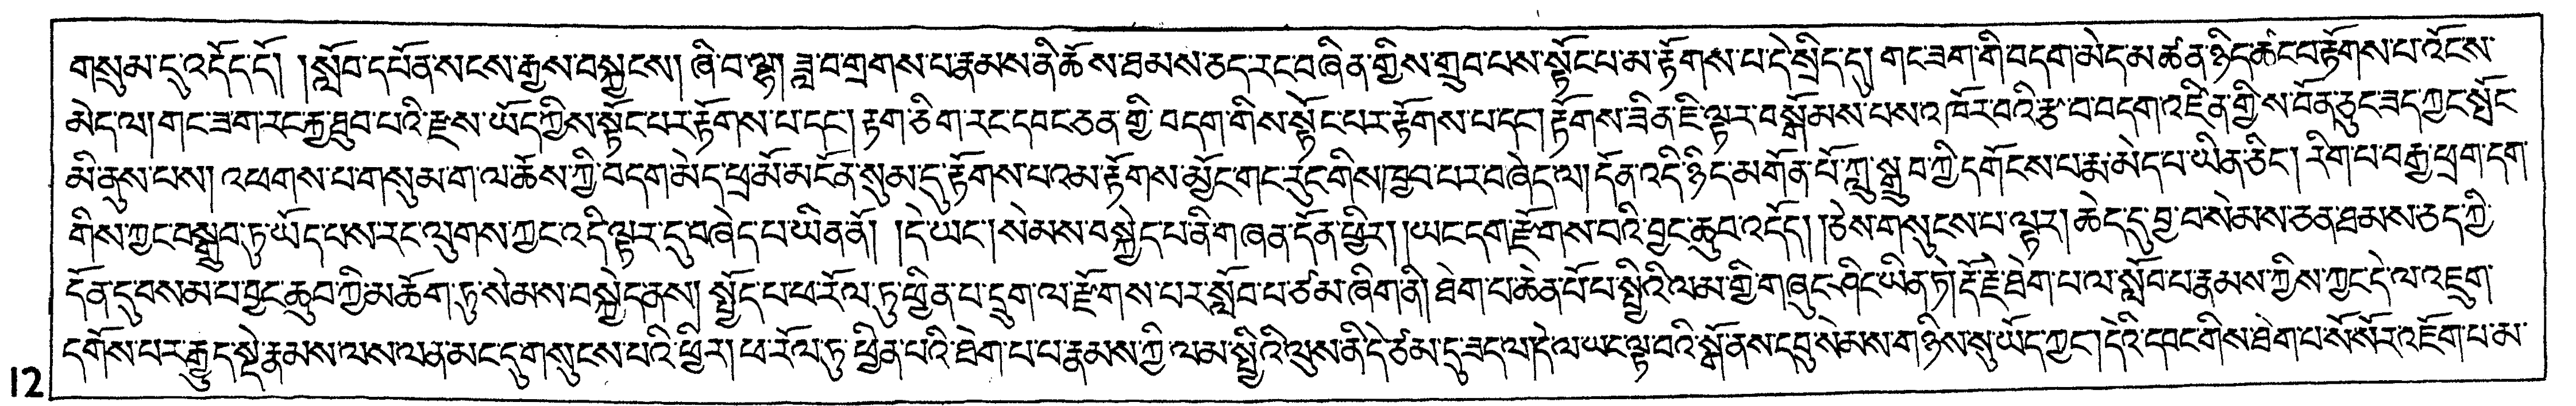གསུམ་དུ་འདོད་དོ། །སློབ་དཔོན་སངས་རྒྱས་བསྐྱངས། ཞི་བ་ལྷ། ཟླ་བ་གྲགས་པ་རྣམས་ནི་ཆོས་ཐམས་ཅད་རང་བཞིན་གྱིས་གྲུབ་པས་སྟོང་པ་མ་རྟོགས་པ་དེ་སྲིད་དུ། གང་ཟག་གི་བདག་མེད་མཚན་ཉིད་ཚང་བ་རྟོགས་པ་འོངས་
མེད་ལ། གང་ཟག་རང་རྐྱ་ཐུབ་པའི་རྫས་ཡོད་ཀྱིས་སྟོང་པར་རྟོགས་པ་དང་། རྟག་ཅིག་རང་དབང་ཅན་གྱི་བདག་གིས་སྟོང་པར་རྟོགས་པ་དང་། རྟོགས་ཟིན་ཇི་ལྟར་བསྒོམས་པས་འཁོར་བའི་རྩ་བ་བདག་འཛིན་གྱི་ས་བོན་ཅུང་ཟད་ཀྱང་སྤོང་
མི་ནུས་པས། འཕགས་པ་གསུམ་ག་ལ་ཆོས་ཀྱི་བདག་མེད་ཕྲ་མོ་མངོན་སུམ་དུ་རྟོགས་པའམ་རྟོགས་མྱོང་གང་རུང་གིས་ཁྱབ་པར་བཞེད་ལ། དོན་འདི་ཉིད་མགོན་པོ་ཀླུ་སྒྲུབ་ཀྱི་དགོངས་པ་རྨ་མེད་པ་ཡིན་ཅིང་། རིག་པ་བརྒྱ་ཕྲག་དག་
གིས་ཀྱང་བསྒྲུབ་ཏུ་ཡོད་པས་རང་ལུགས་ཀྱང་འདི་ལྟར་དུ་བཞེད་པ་ཡིན་ནོ། །དེ་ཡང་། སེམས་བསྐྱེད་པ་ནི་གཞན་དོན་ཕྱིར། །ཡང་དག་རྫོགས་པའི་བྱང་ཆུབ་འདོད། །ཅེས་གསུངས་པ་ལྟར། ཆེད་དུ་བྱ་བ་སེམས་ཅན་ཐམས་ཅད་ཀྱི་
དོན་དུ་བསམ་པ་བྱང་ཆུབ་ཀྱི་མཆོག་ཏུ་སེམས་བསྐྱེད་ནས། སྤྱོད་པ་ཕ་རོལ་ཏུ་ཕྱིན་པ་དྲུག་ལ་རྫོགས་པར་སློབ་པ་ཙམ་ཞིག་ནི། ཐེག་པ་ཆེན་པོ་པ་སྤྱིའི་ལམ་གྱི་གཞུང་ཤིང་ཡིན་ཏེ། རྡོ་རྗེ་ཐེག་པ་ལ་སློབ་པ་རྣམས་ཀྱིས་ཀྱང་དེ་ལ་འཇུག་
དགོས་པར་རྒྱུད་སྡེ་རྣམས་ལས་ལན་མང་དུ་གསུངས་པའི་ཕྱིར། ཕ་རོལ་ཏུ་ཕྱིན་པའི་ཐེག་པ་པ་རྣམས་ཀྱི་ལམ་སྤྱིའི་ལུས་ནི་དེ་ཙམ་དུ་ཟད་ལ། དེ་ལ་ཡང་ལྟ་བའི་སྒོ་ནས་དབུ་སེམས་གཉིས་སུ་ཡོད་ཀྱང་། དེའི་དབང་གིས་ཐེག་པ་སོ་སོར་འཇོག་པ་མ་